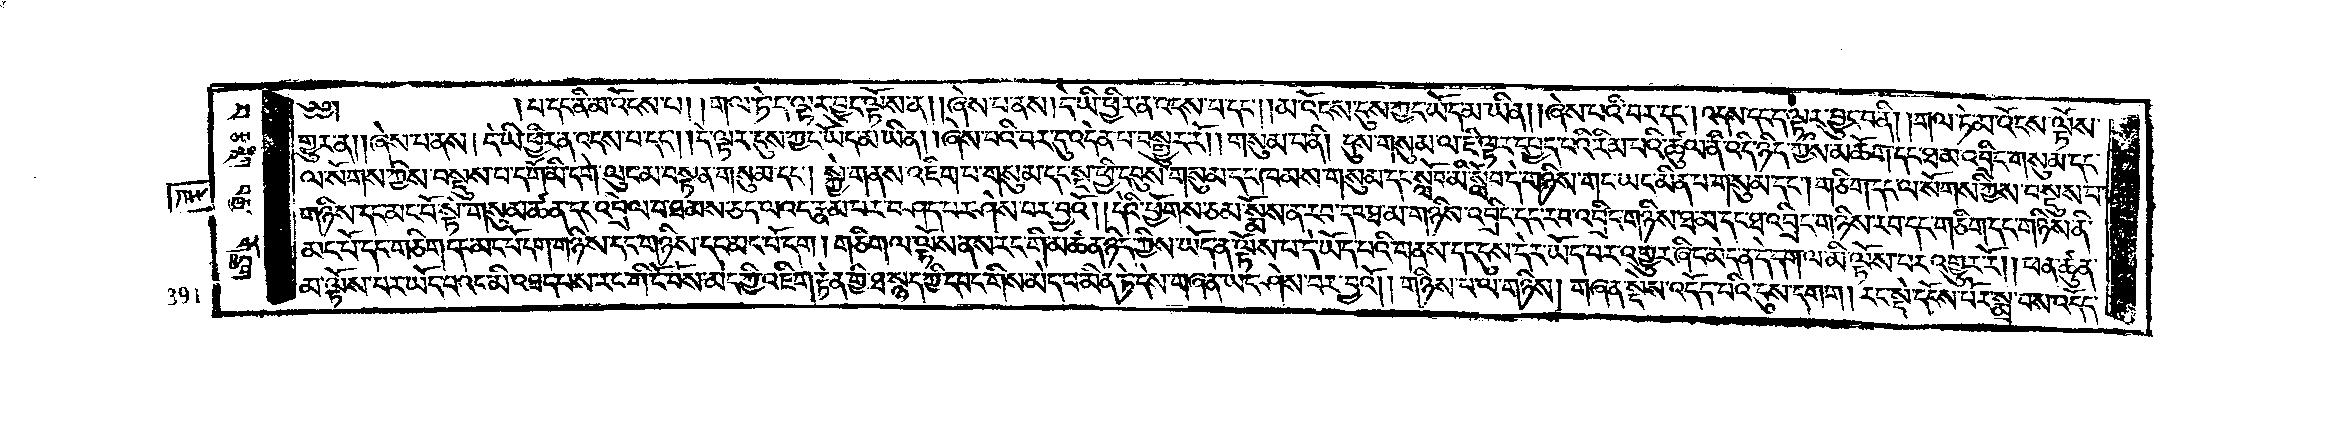༄༅། །པ་དང་ནི་མ་འོངས་པ། །གལ་ཏེ་ད་ལྟར་བྱུང་ལྟོས་ན། །ཞེས་པ་ནས། དེ་ཡི་ཕྱིར་ན་འདས་པ་དང་། །མ་འོངས་དུས་ཀྱང་ཡོད་མ་ཡིན། །ཞེས་པའི་བར་དང་། འདས་དང་ད་ལྟར་བྱུང་བ་ནི། །གལ་ཏེ་མ་འོངས་ལྟོས་
གྱུར་ན། །ཞེས་པ་ནས། དེ་ཡི་ཕྱིར་ན་འདས་པ་དང་། །ད་ལྟར་དུས་ཀྱང་ཡོད་མ་ཡིན། །ཞེས་པའི་བར་དུ་འདྲེན་པ་བསྒྱུར་རོ། །གསུམ་པ་ནི། དུས་གསུམ་ལ་ཇི་ལྟར་དཔྱད་པའི་རིམ་པའི་ཚུལ་ནི་འདི་ཉིད་ཀྱིས་མཆོག་དང་ཐ་མ་འབྲིང་གསུམ་དང་
ལ་སོགས་ཀྱིས་བསྡུས་པ་དགེ་མི་དགེ་ལུང་མ་བསྟན་གསུམ་དང་། སྐྱེ་གནས་འཇིག་པ་གསུམ་དང་སྔ་ཕྱི་དབུས་གསུམ་དང་ཁམས་གསུམ་དང་སློབ་མི་སློབ་དེ་གཉིས་གང་ཡང་མིན་པ་གསུམ་དང་། གཅིག་དང་ལ་སོགས་ཀྱིས་བསྡུས་པ་
གཉིས་དང་མང་བོ་སྟེ་གསུམ་ཚན་དང་འབྲེལ་བ་ཐམས་ཅད་ལའང་རྣམ་པར་བཤད་པར་ཤེས་པར་བྱའོ། །དེའི་ཕྱོགས་ཙམ་སྨོས་ན་རབ་དང་ཐ་མ་གཉིས་འབྲིང་དང་རབ་འབྲིང་གཉིས་ཐ་མ་དང་ཐ་འབྲིང་གཉིས་རབ་དང་གཅིག་དང་གཉིས་ནི་
མང་པོ་དང་གཅིག་དང་མང་པོ་དག་གཉིས་དང་གཉིས་དང་མང་པོ་དག །གཅིག་ལ་ལྟོས་ནས་རང་གི་མཚན་ཉིད་ཀྱིས་ཡོད་ན་ལྟོས་པ་དེ་ཡོད་པའི་གནས་དང་དུས་དེར་ཡོད་པར་འགྱུར་ཞིང་མེད་ན་དེ་དག་ལ་མི་ལྟོས་པར་འགྱུར་རོ། །ཕན་ཚུན་
མ་ལྟོས་པར་ཡོད་པའང་མི་འཐད་པས་རང་གི་ངོ་བོས་མེད་ཀྱི་འཇིག་རྟེན་གྱི་ཐ་སྙད་ཀྱི་དབང་གིས་མེད་པ་མིན་ཏེ་དེས་གཞན་ཡང་ཤེས་པར་བྱའོ། །གཉིས་པ་ལ་གཉིས། གཞན་སྡེས་འདོད་པའི་དུས་དགག །རང་སྡེ་དངོས་པོར་སྨྲ་བས་འདོད་